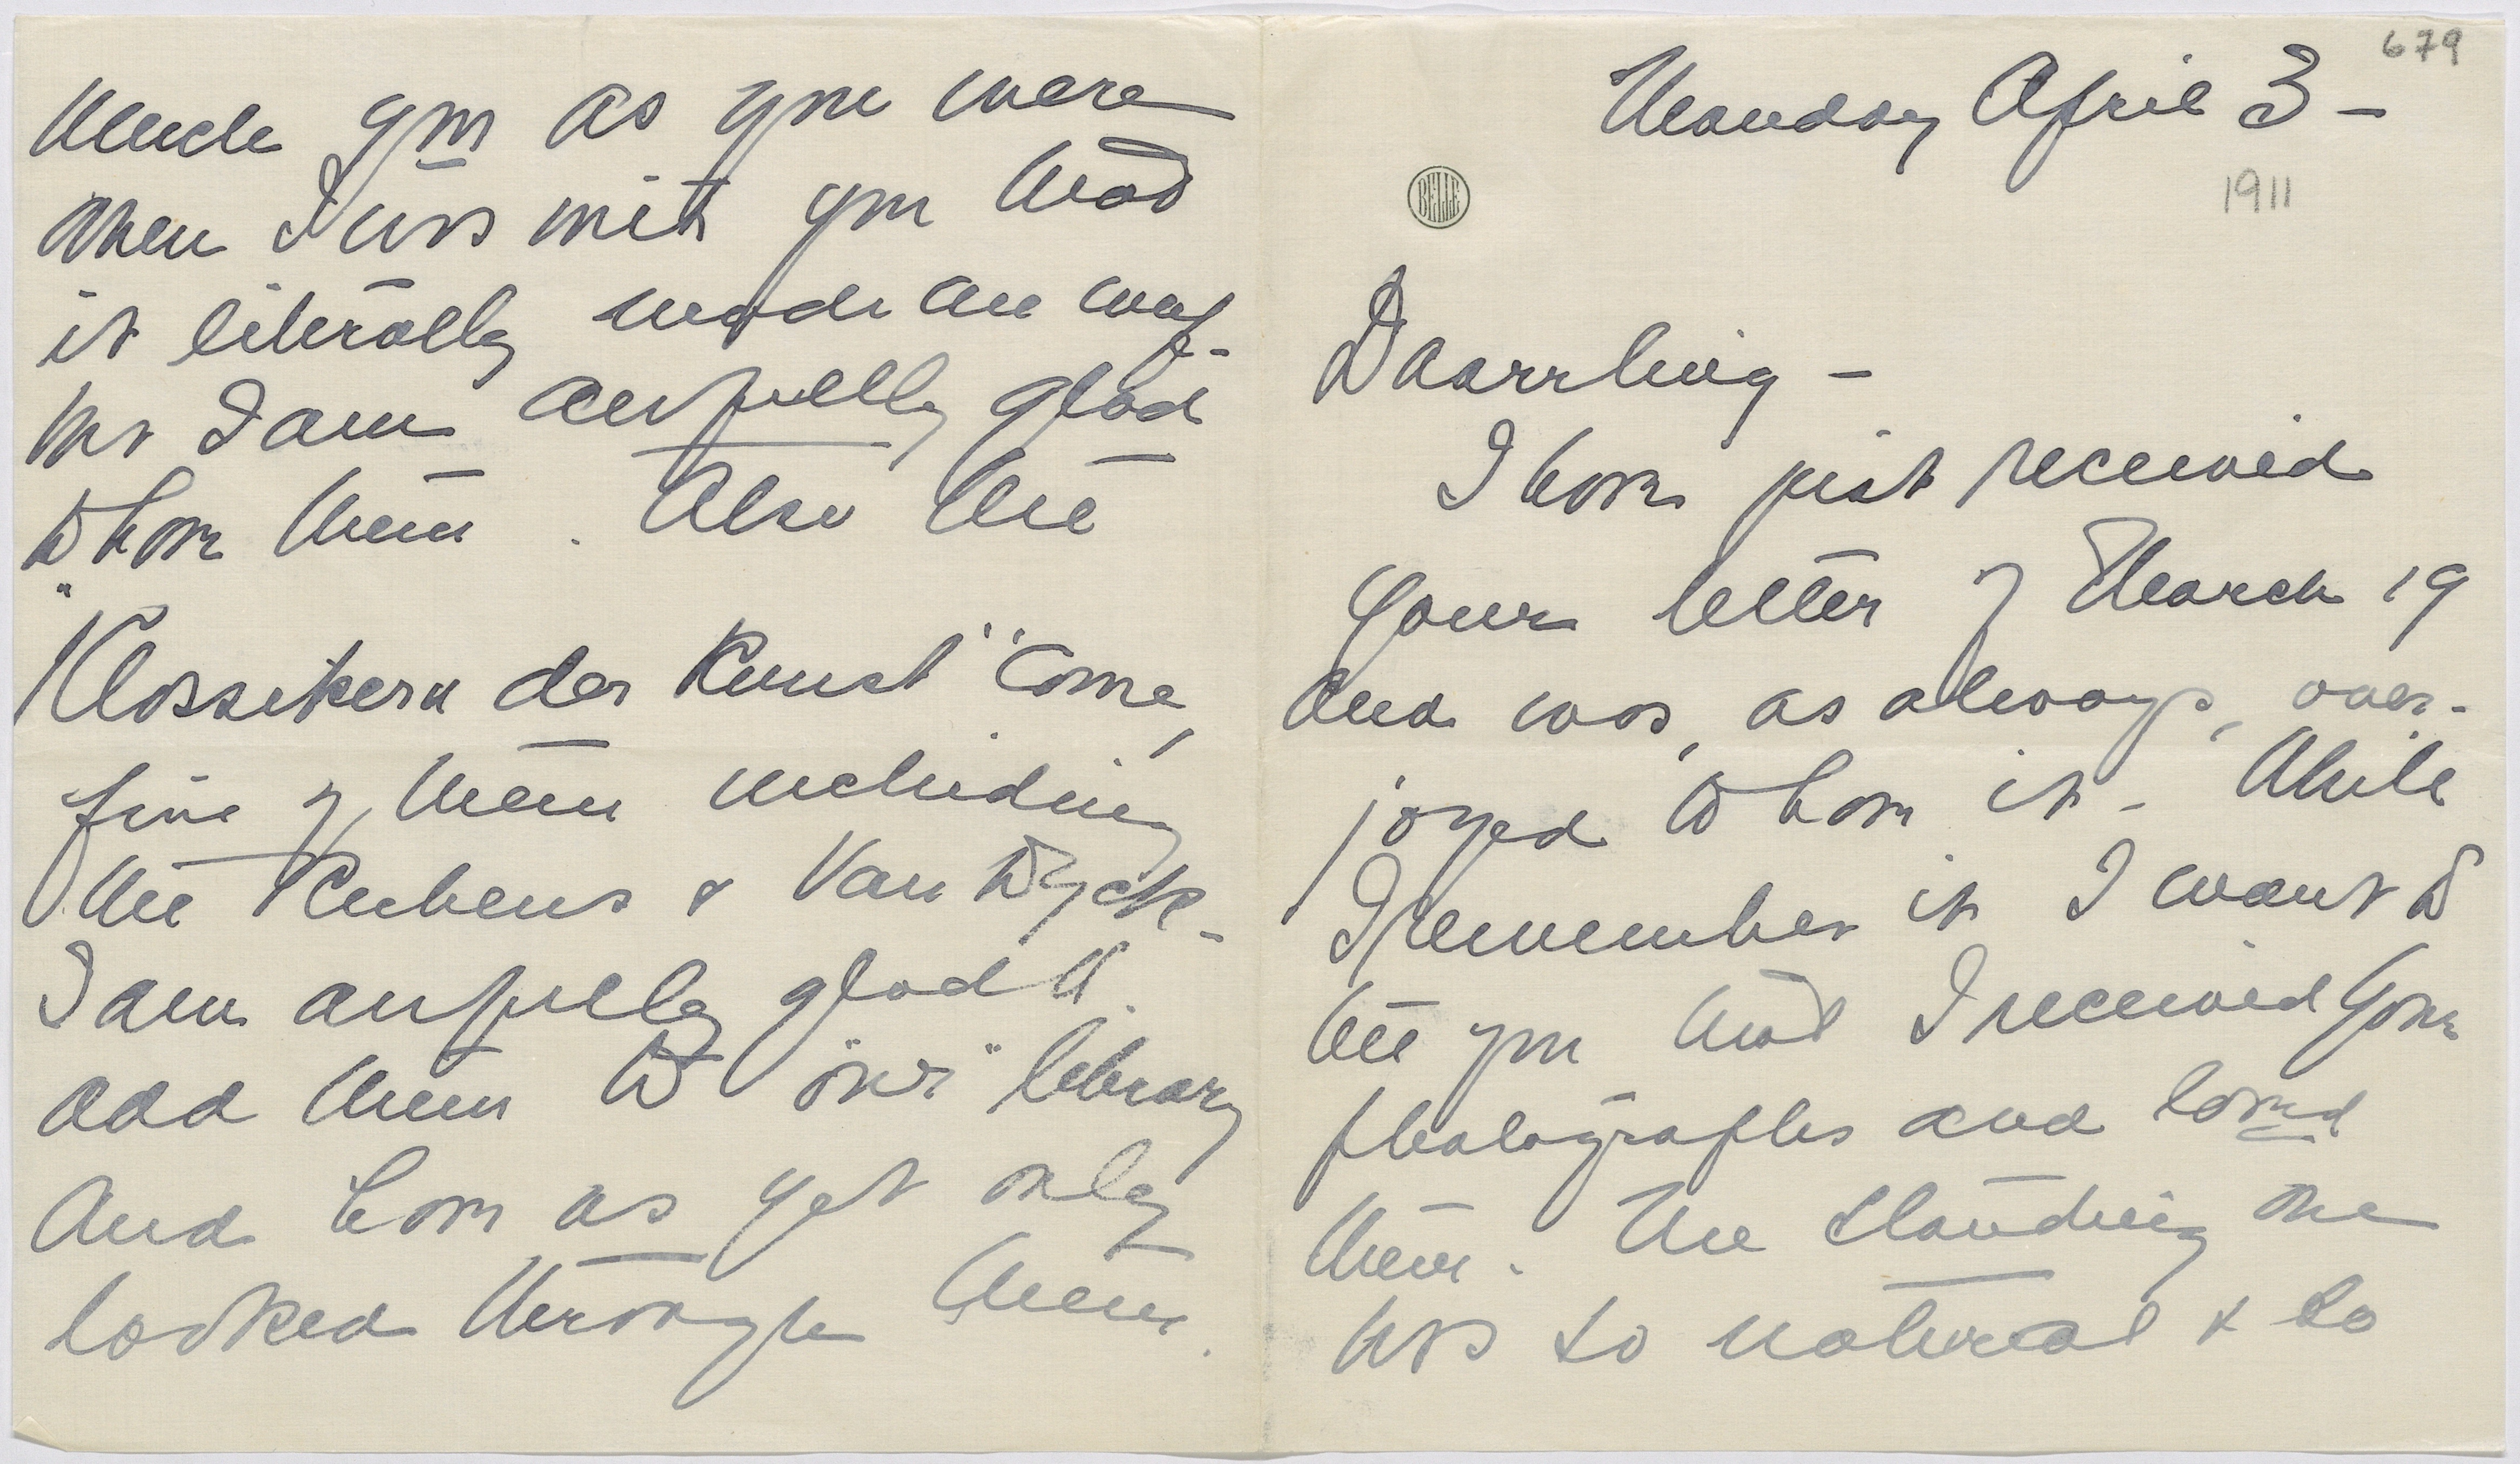Monday April 3 –
Daarrling –
I have just received your letter of March 19 and was as always, overjoyed to have it – While I remember it I want to tell you that I received your photographs and loved them. The standing one was so natural & so
made you as you were when I was with you that it literally made me weep – but I am awfully glad to have them. Also the “Klassikern [sic] der Kunst” came five of them including the Rubens & Van Dyck – I am awfully glad to add them to “our” library and have as yet only looked through them.